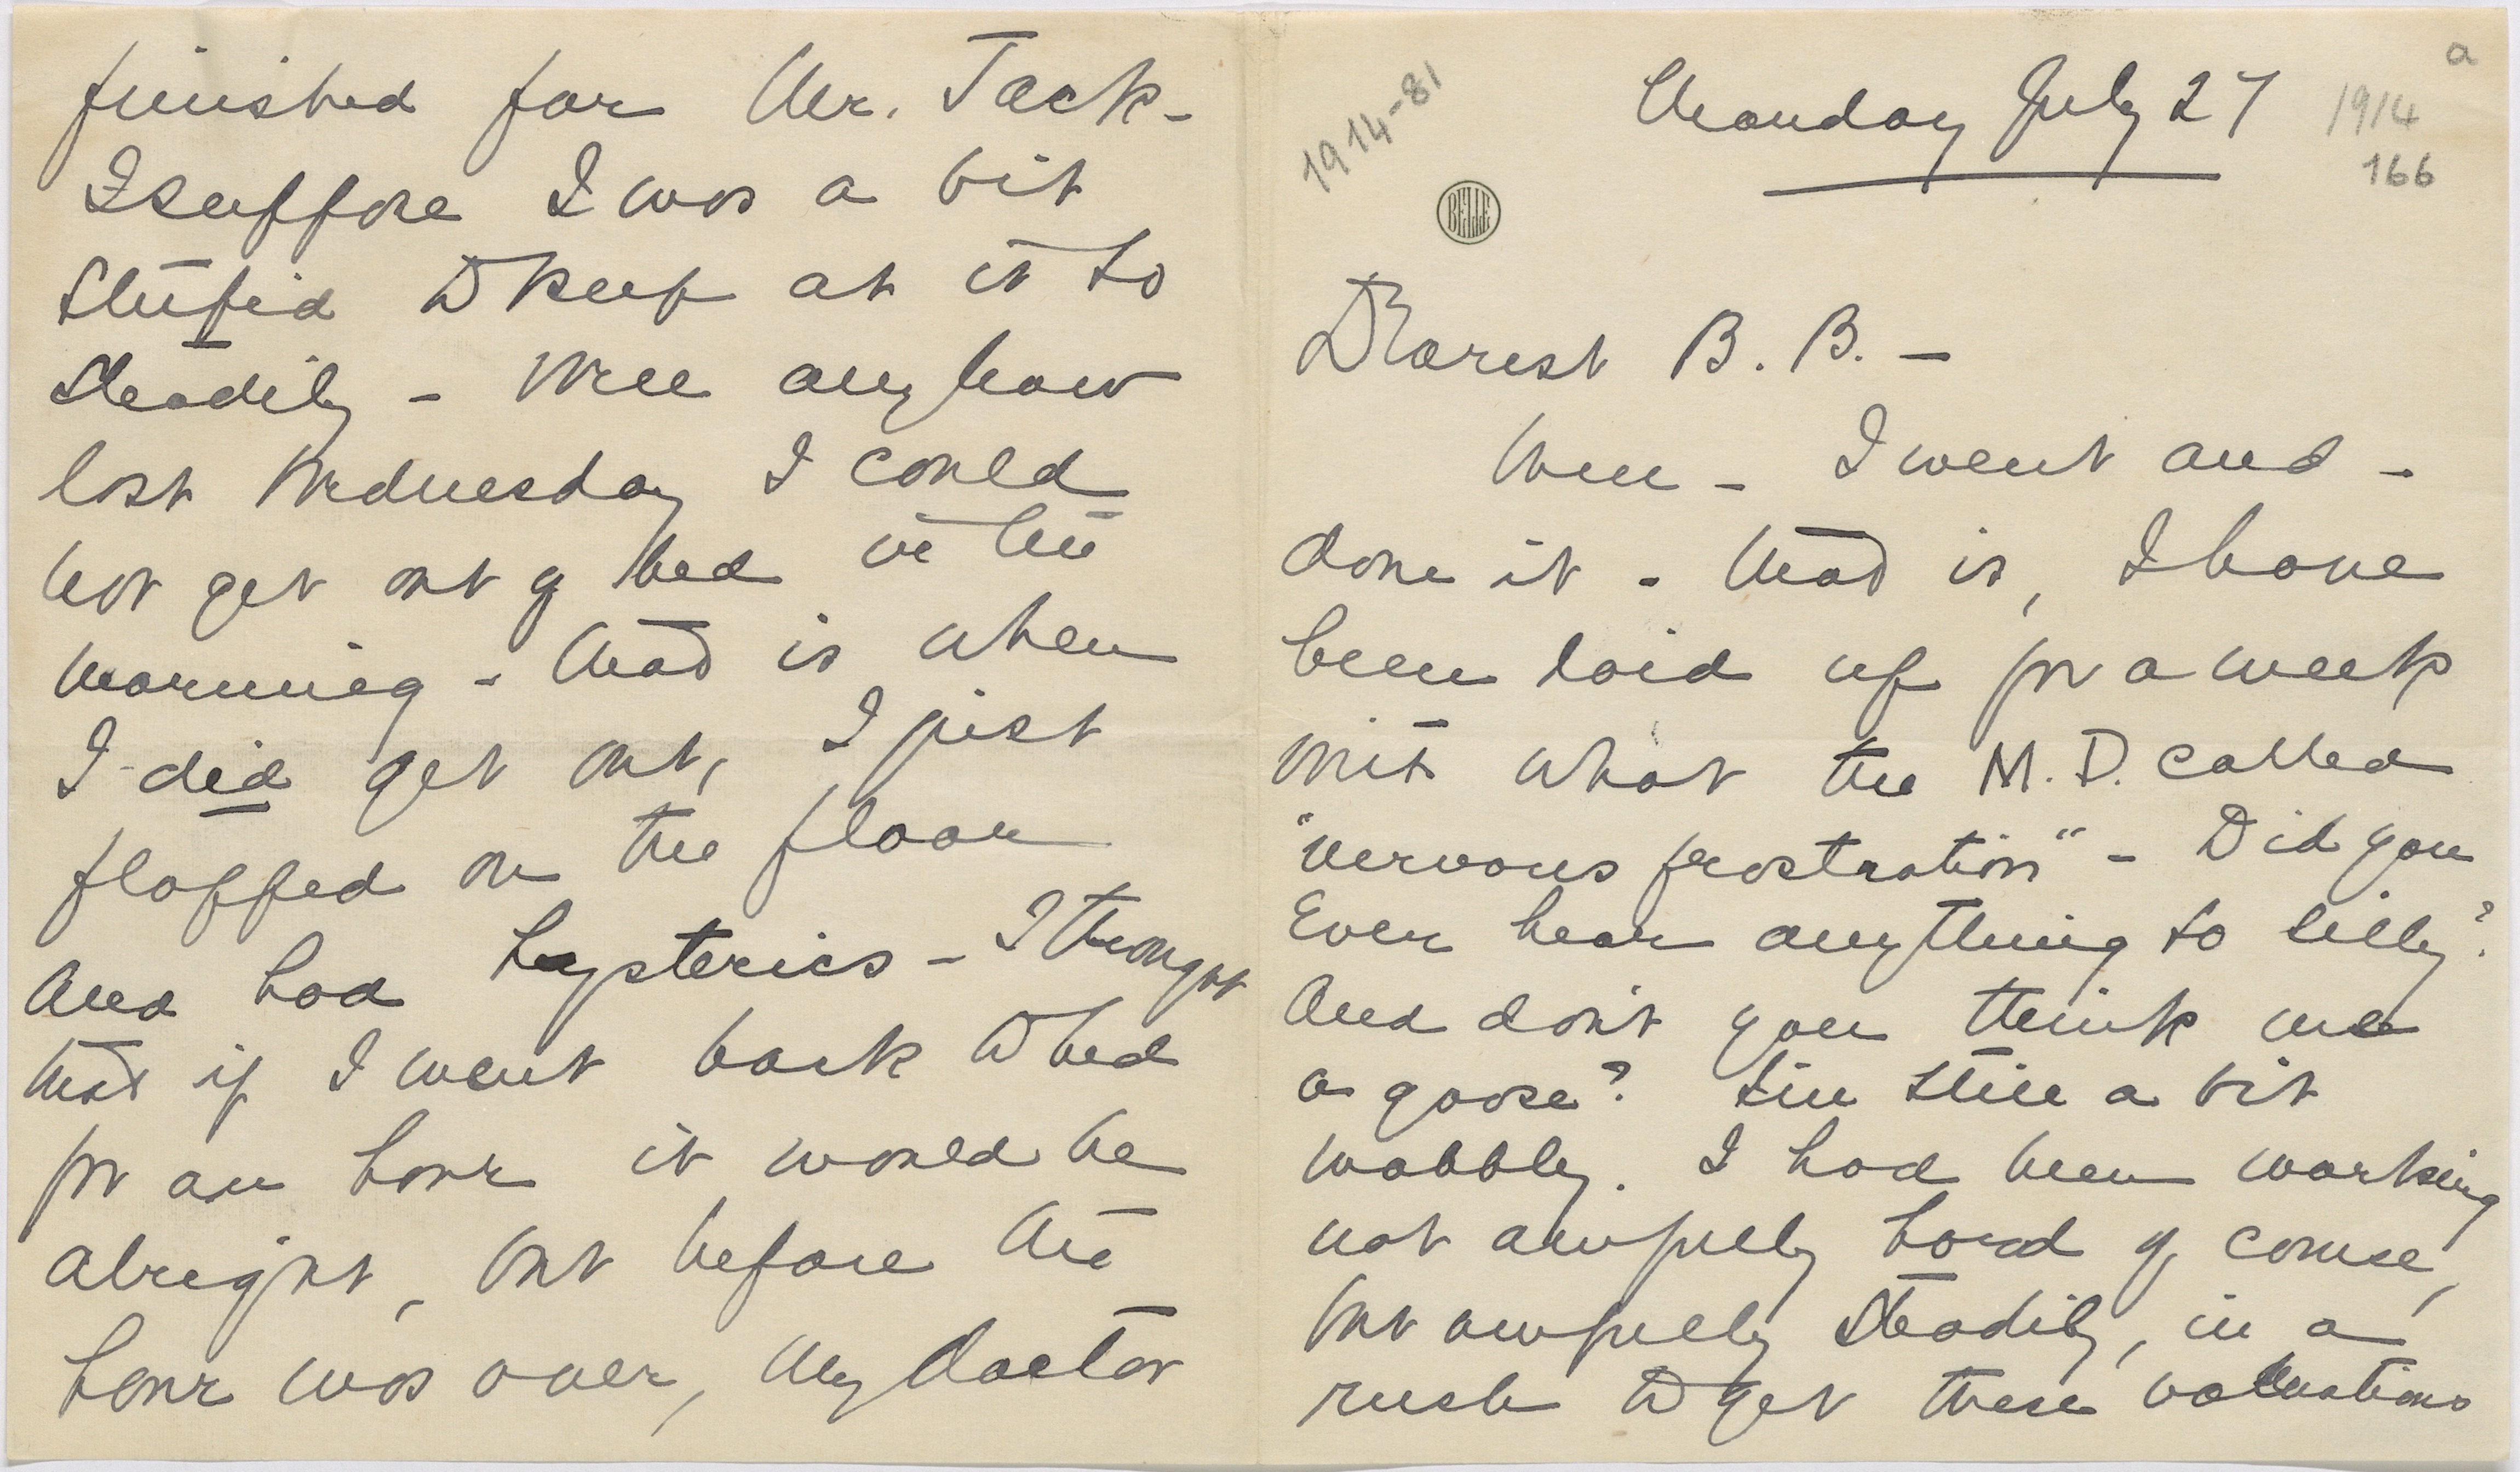Monday July 27
Dearest B. B. –
Well – I went and – done it – that is, I have been laid up for a week with what the M.D. called “nervous prostration” – Did you ever hear anything so silly? And don’t you think me a goose? I’m still a bit wobbly. I had been working not awfully hard of course, but awfully steadily, in a rush to get these valuations
finished for Mr. Jack – I suppose I was a bit stupid to keep at it so steadily – Well any how last Wednesday I could not get out of bed in the morning – that is when I did get out, I just flopped on the floor and had hysterics – I thought that if I went back to bed for an hour it would be alright, but before the hour was over, my doctor